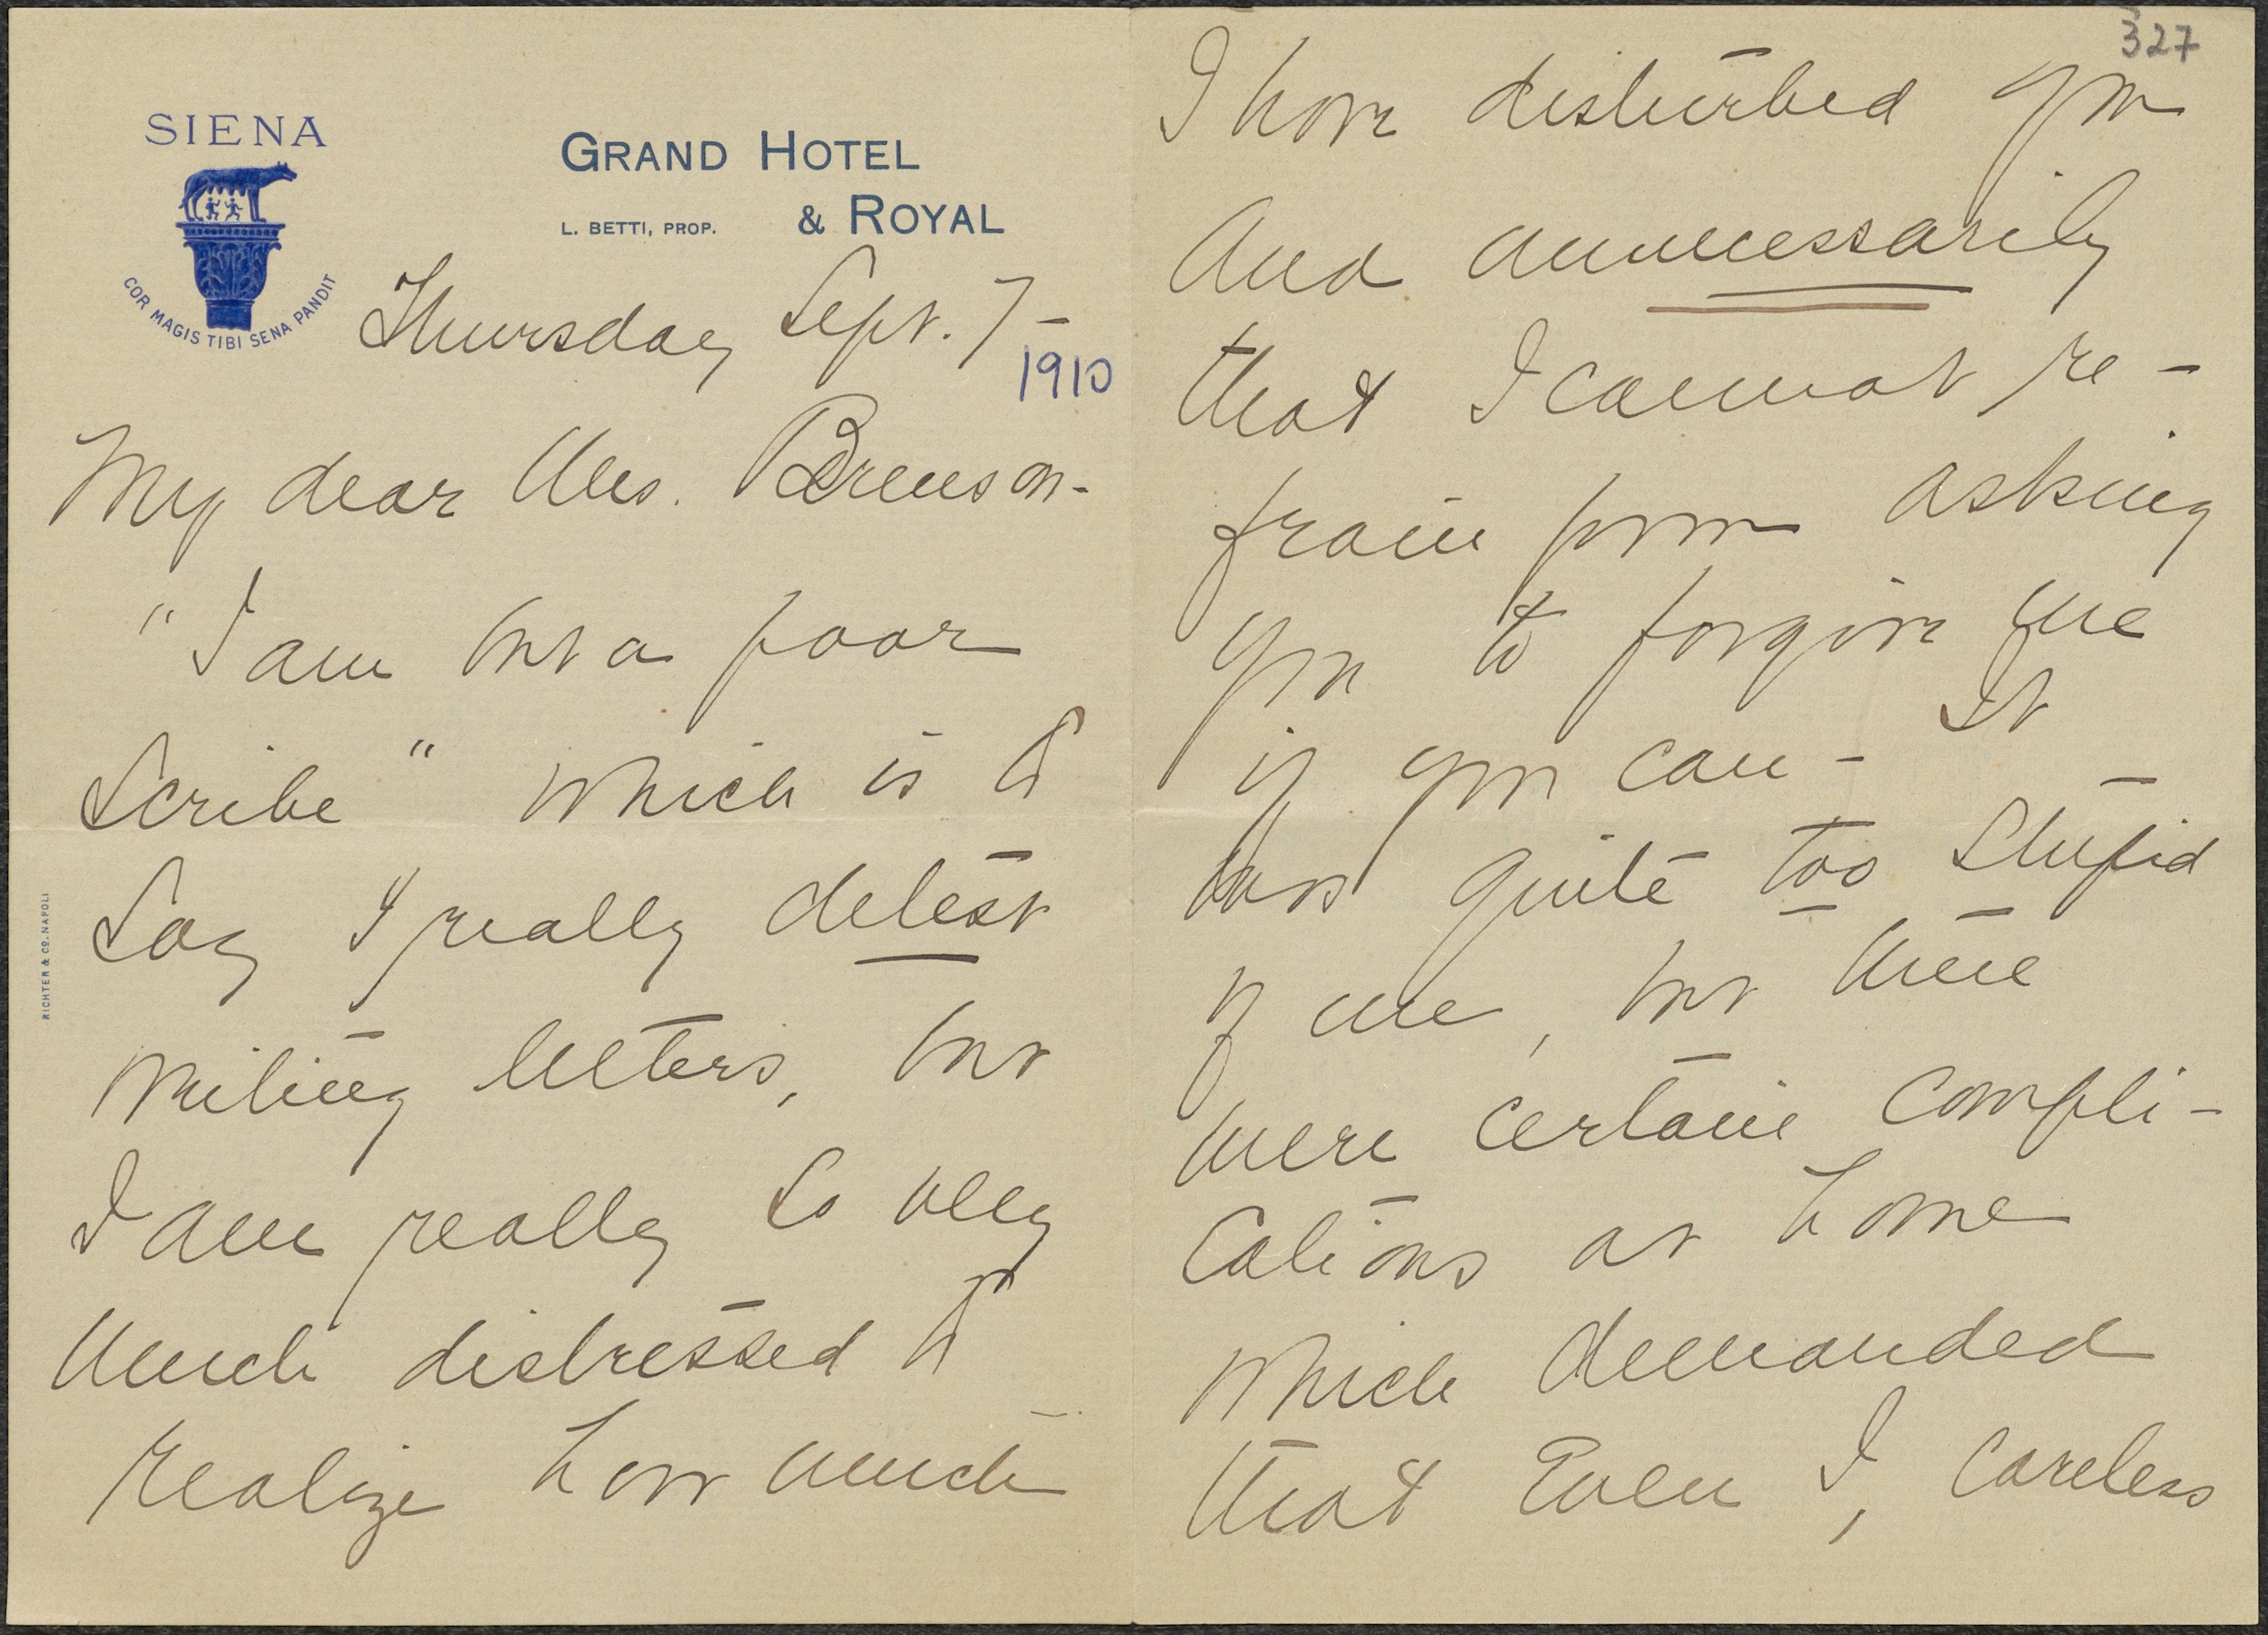Thursday Sept. 7 –
My dear Mrs. Berenson –
“I am but a poor scribe” which is to say I really detest writing letters, but I am really so very much distressed to realize how much
I have disturbed you and [double underlined: unnecessarily] that I cannot refrain from asking you to forgive me if you can – It was quite too stupid of me, but there were certain complications at home which demanded that even I, careless